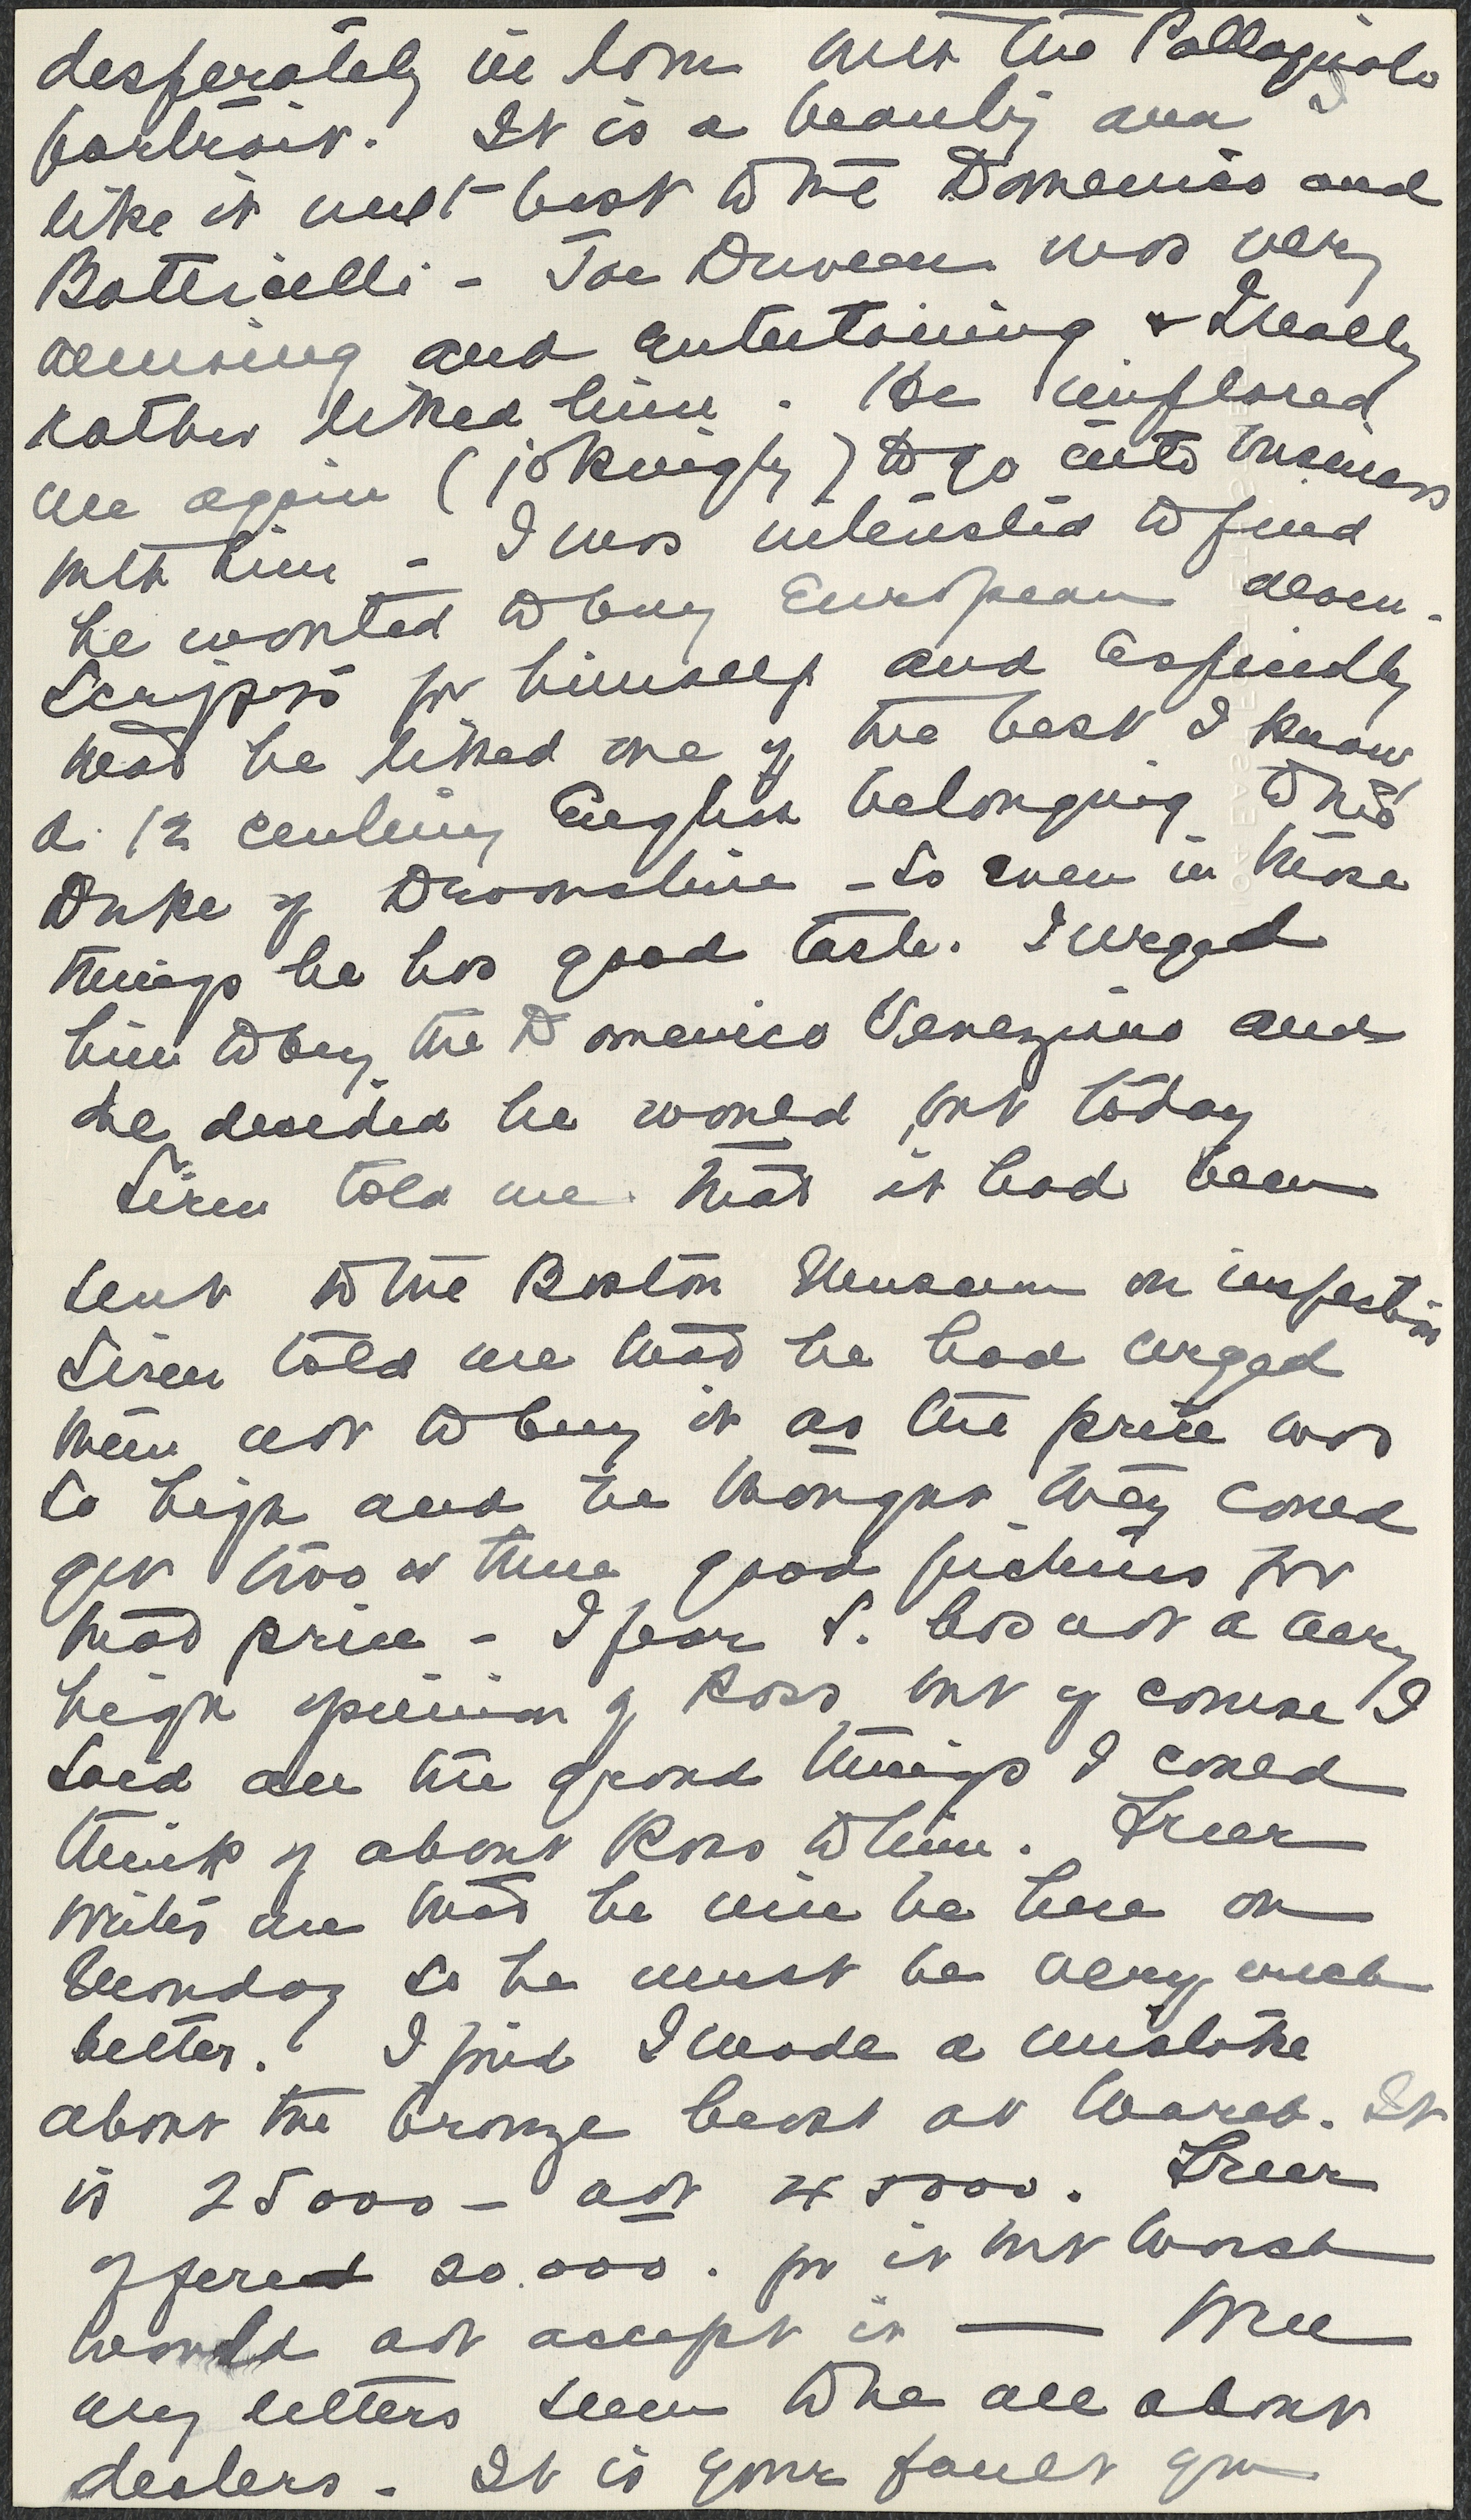desperately in love with the Pollaiuolo portrait. It is a beauty and I like it next best to the Domenico and Botticelli – Joe Duveen was very amusing and entertaining & I really rather liked him – He implored me again (jokingly) to go into business with him – I was interested to find he wanted to buy European manuscripts for himself and especially that he liked one of the best I know a 12 century English belonging to the Duke of Devonshire – so even in those things he has good taste. I urged him to buy the Domenico Veneziano and he decided he would, but today Siren told me that it had been sent to the Boston Museum on inspection Siren told me that he had urged them not to buy it as the price was so high and he thought they could get two or three good pictures for that price – I fear S. has not a very high option of Ross but of course I said all the grand things I could think of about Ross to him. Freer writes me that he will be here on Monday so he must be very much better. I find I made a mistake about the bronze beast at Worch. It is 25000 – not 45000. Freer offered 20.000. for it but Worch would not accept it – Well my letters seem to be all about dealers – It is your fault you